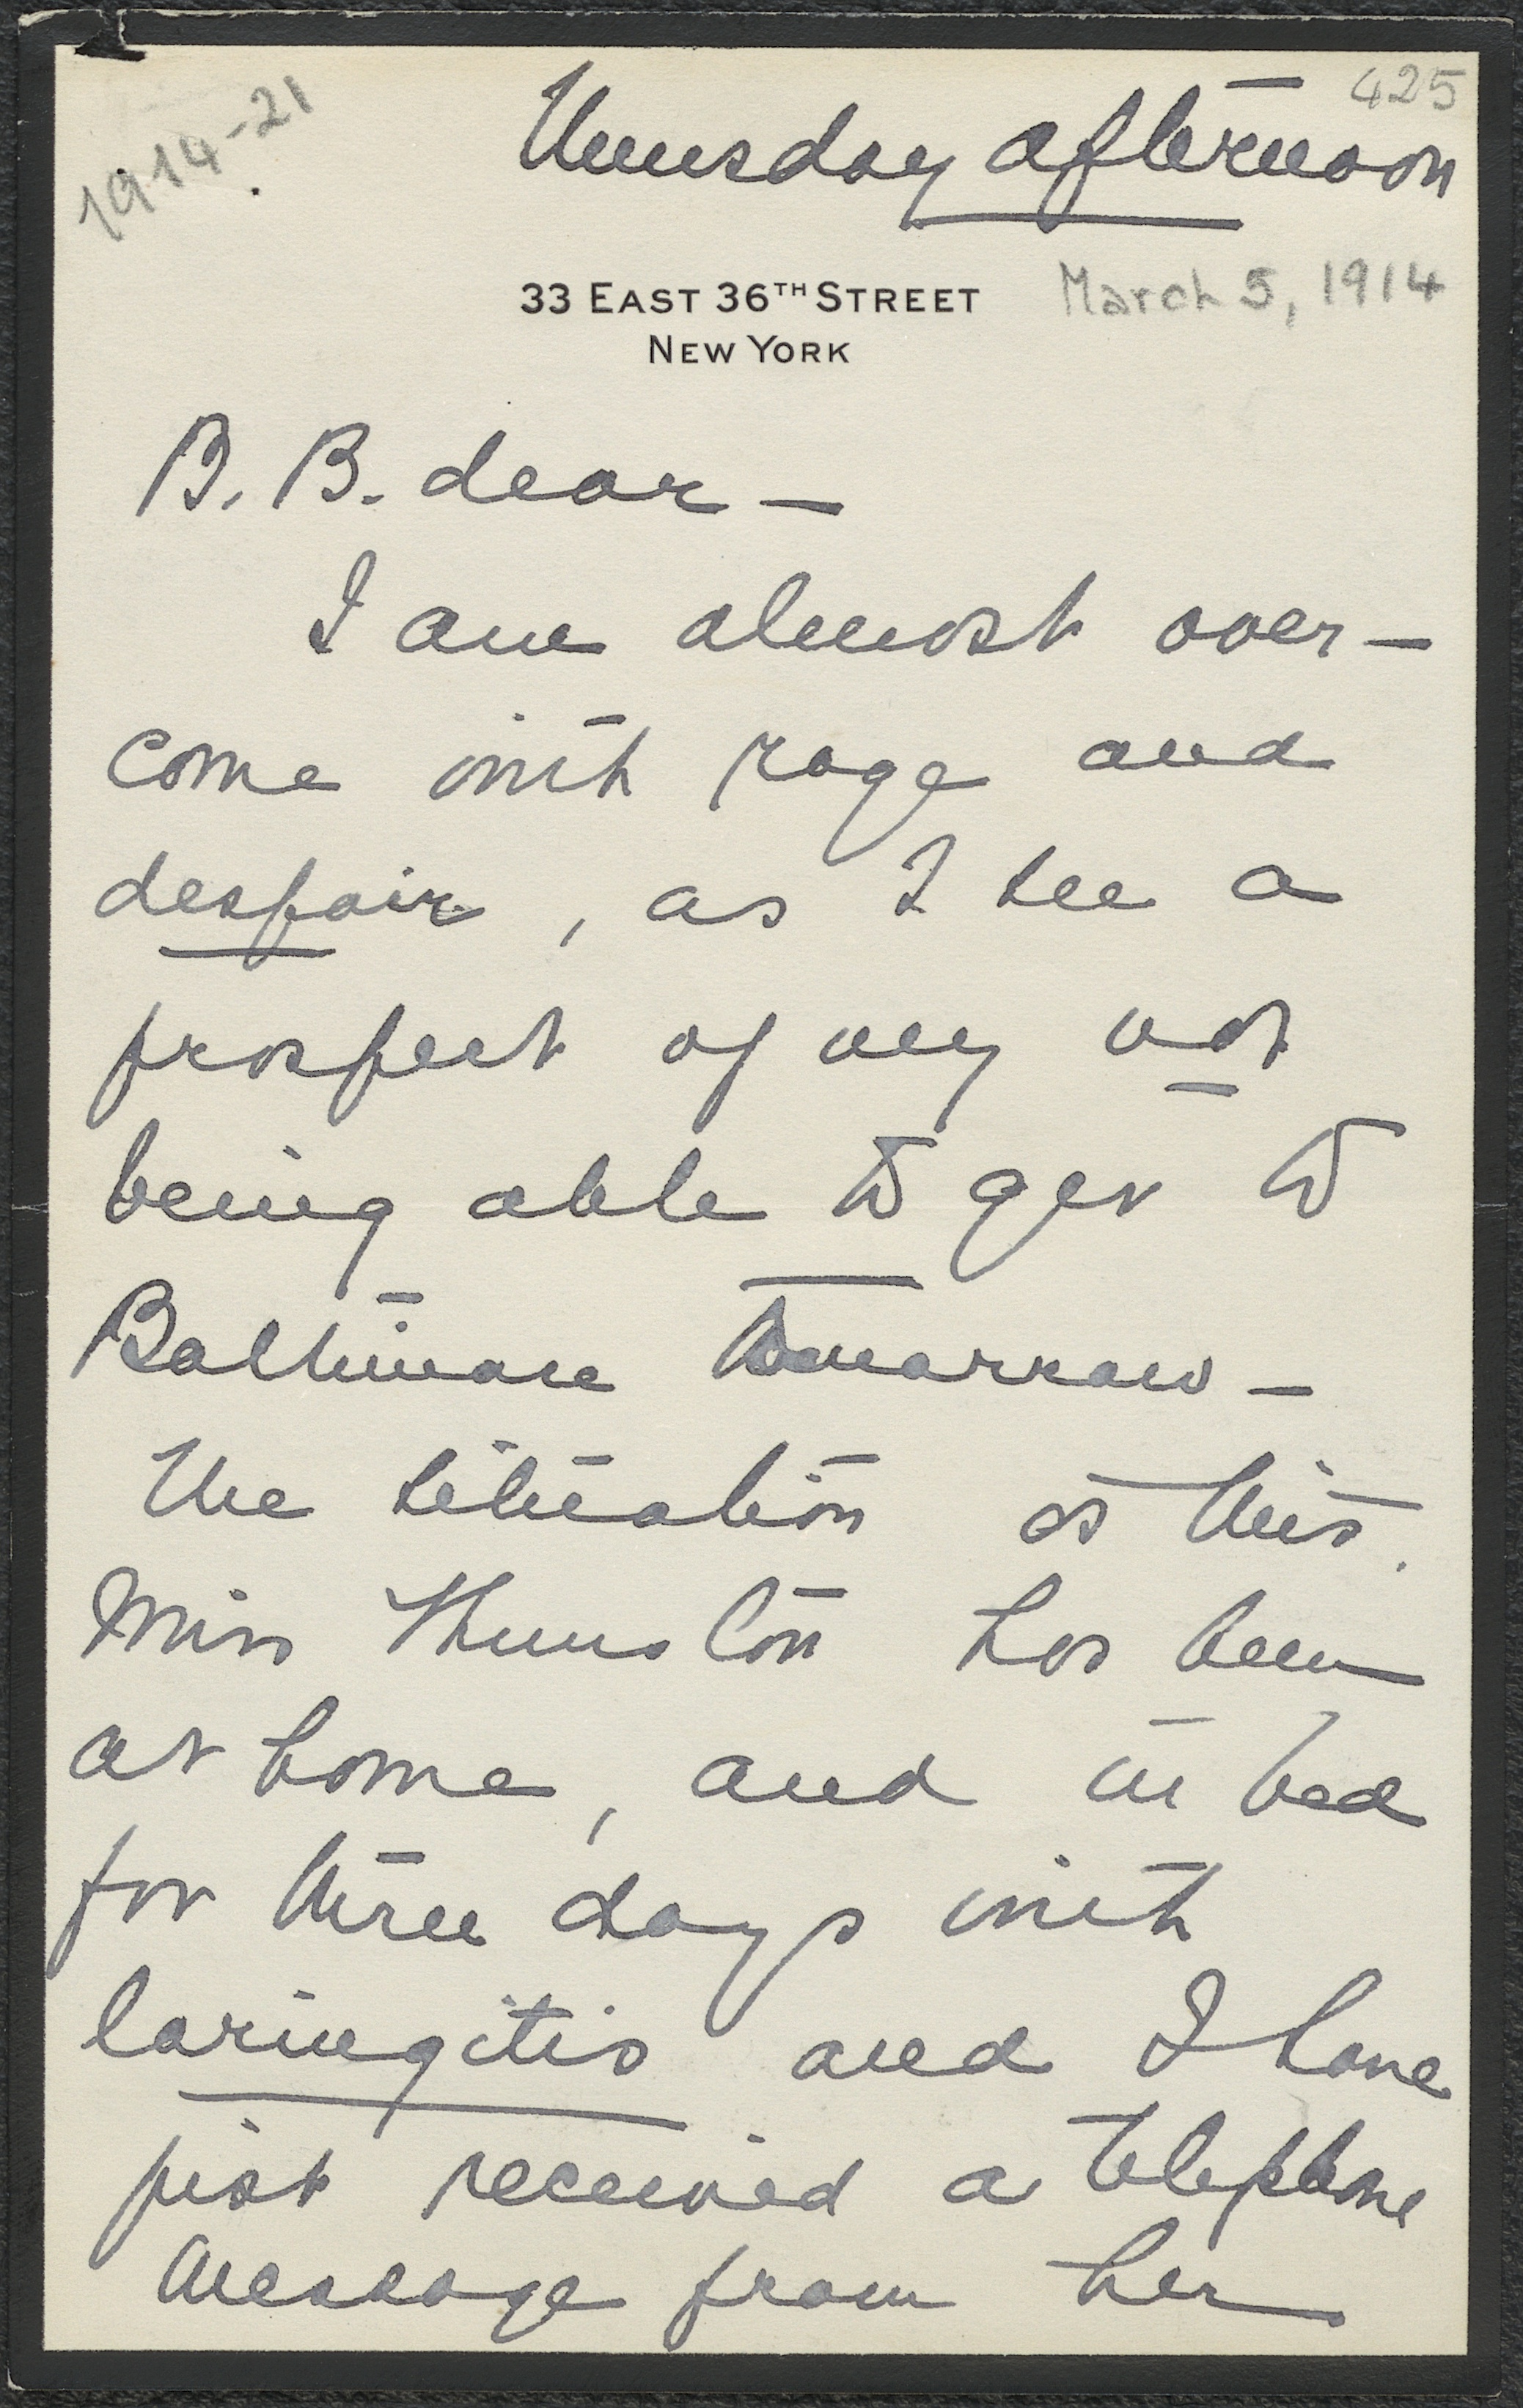Wednesday afternoon
B.B. dear –
I am almost overcome with rage and despair, as I see a prospect of my not being able to get to Baltimore tomorrow –
The situation is this. Miss Thurston has been at home, and in bed for three days with laringitis and I have just received a telephone message from her